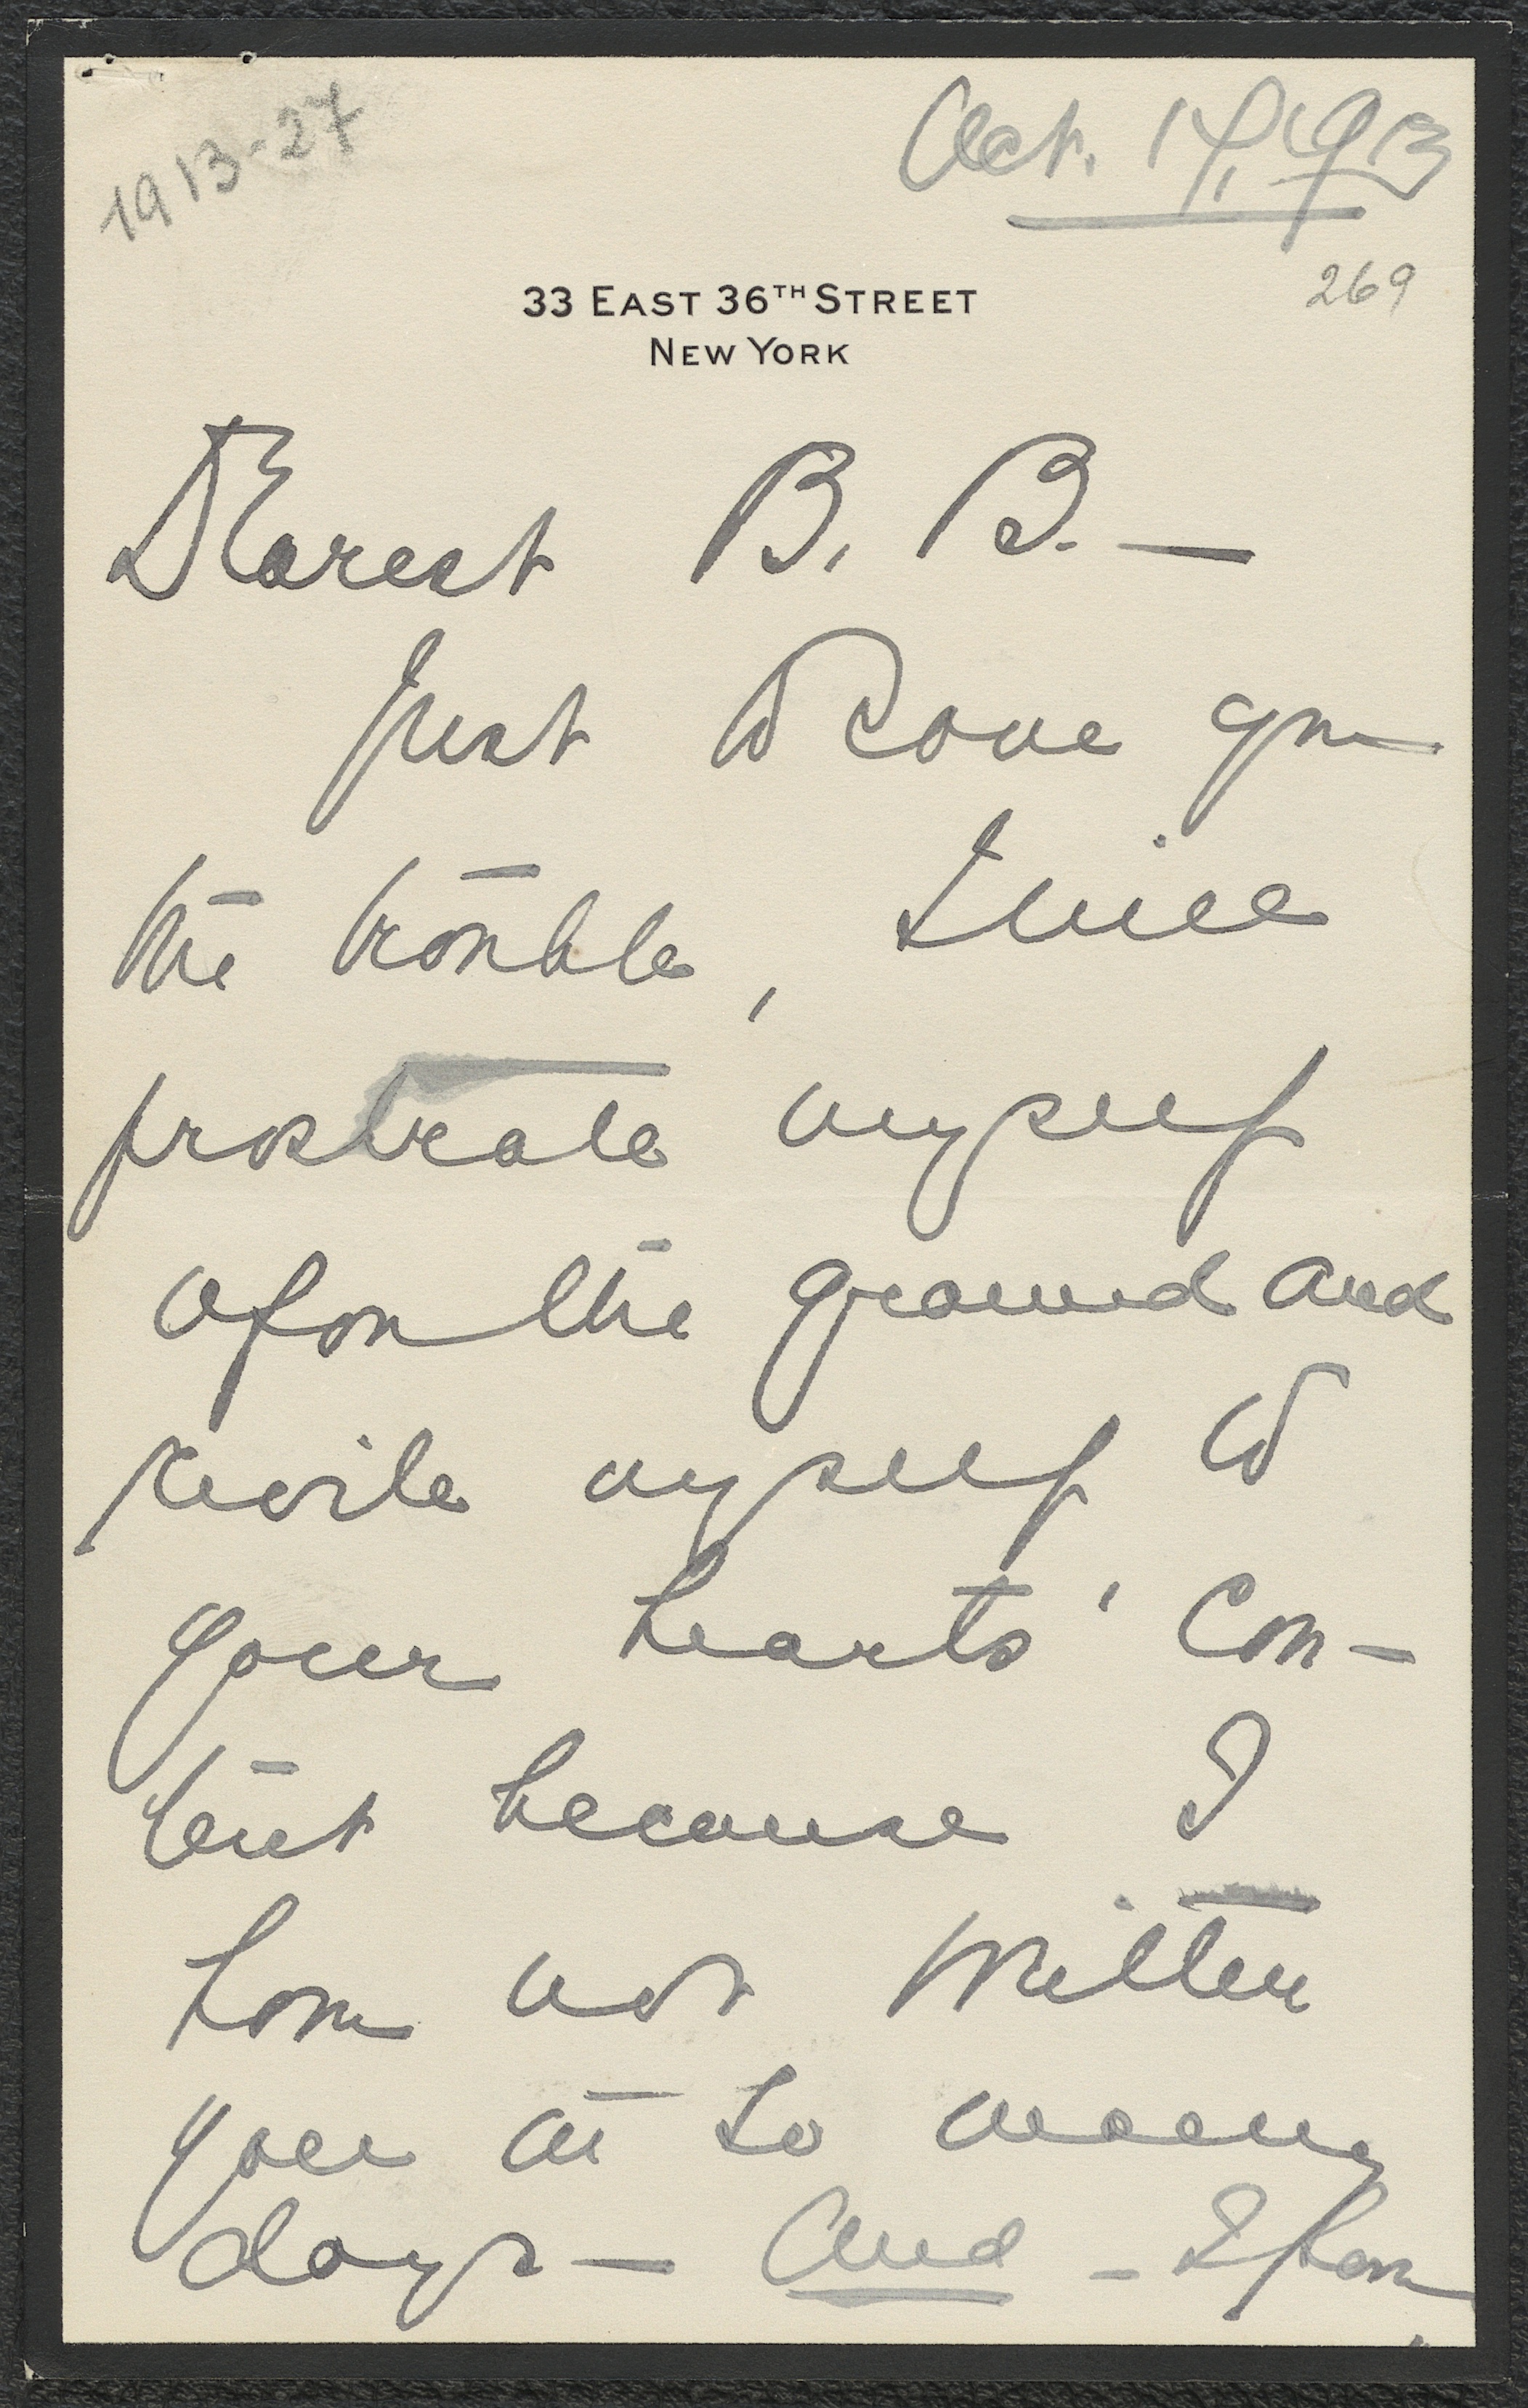Oct. 14, 1913
Dearest B. B. –
Just to save you the trouble, I will prostrate myself upon the ground and revile myself to your heart’s content because I have not written you in so many days – And – I have